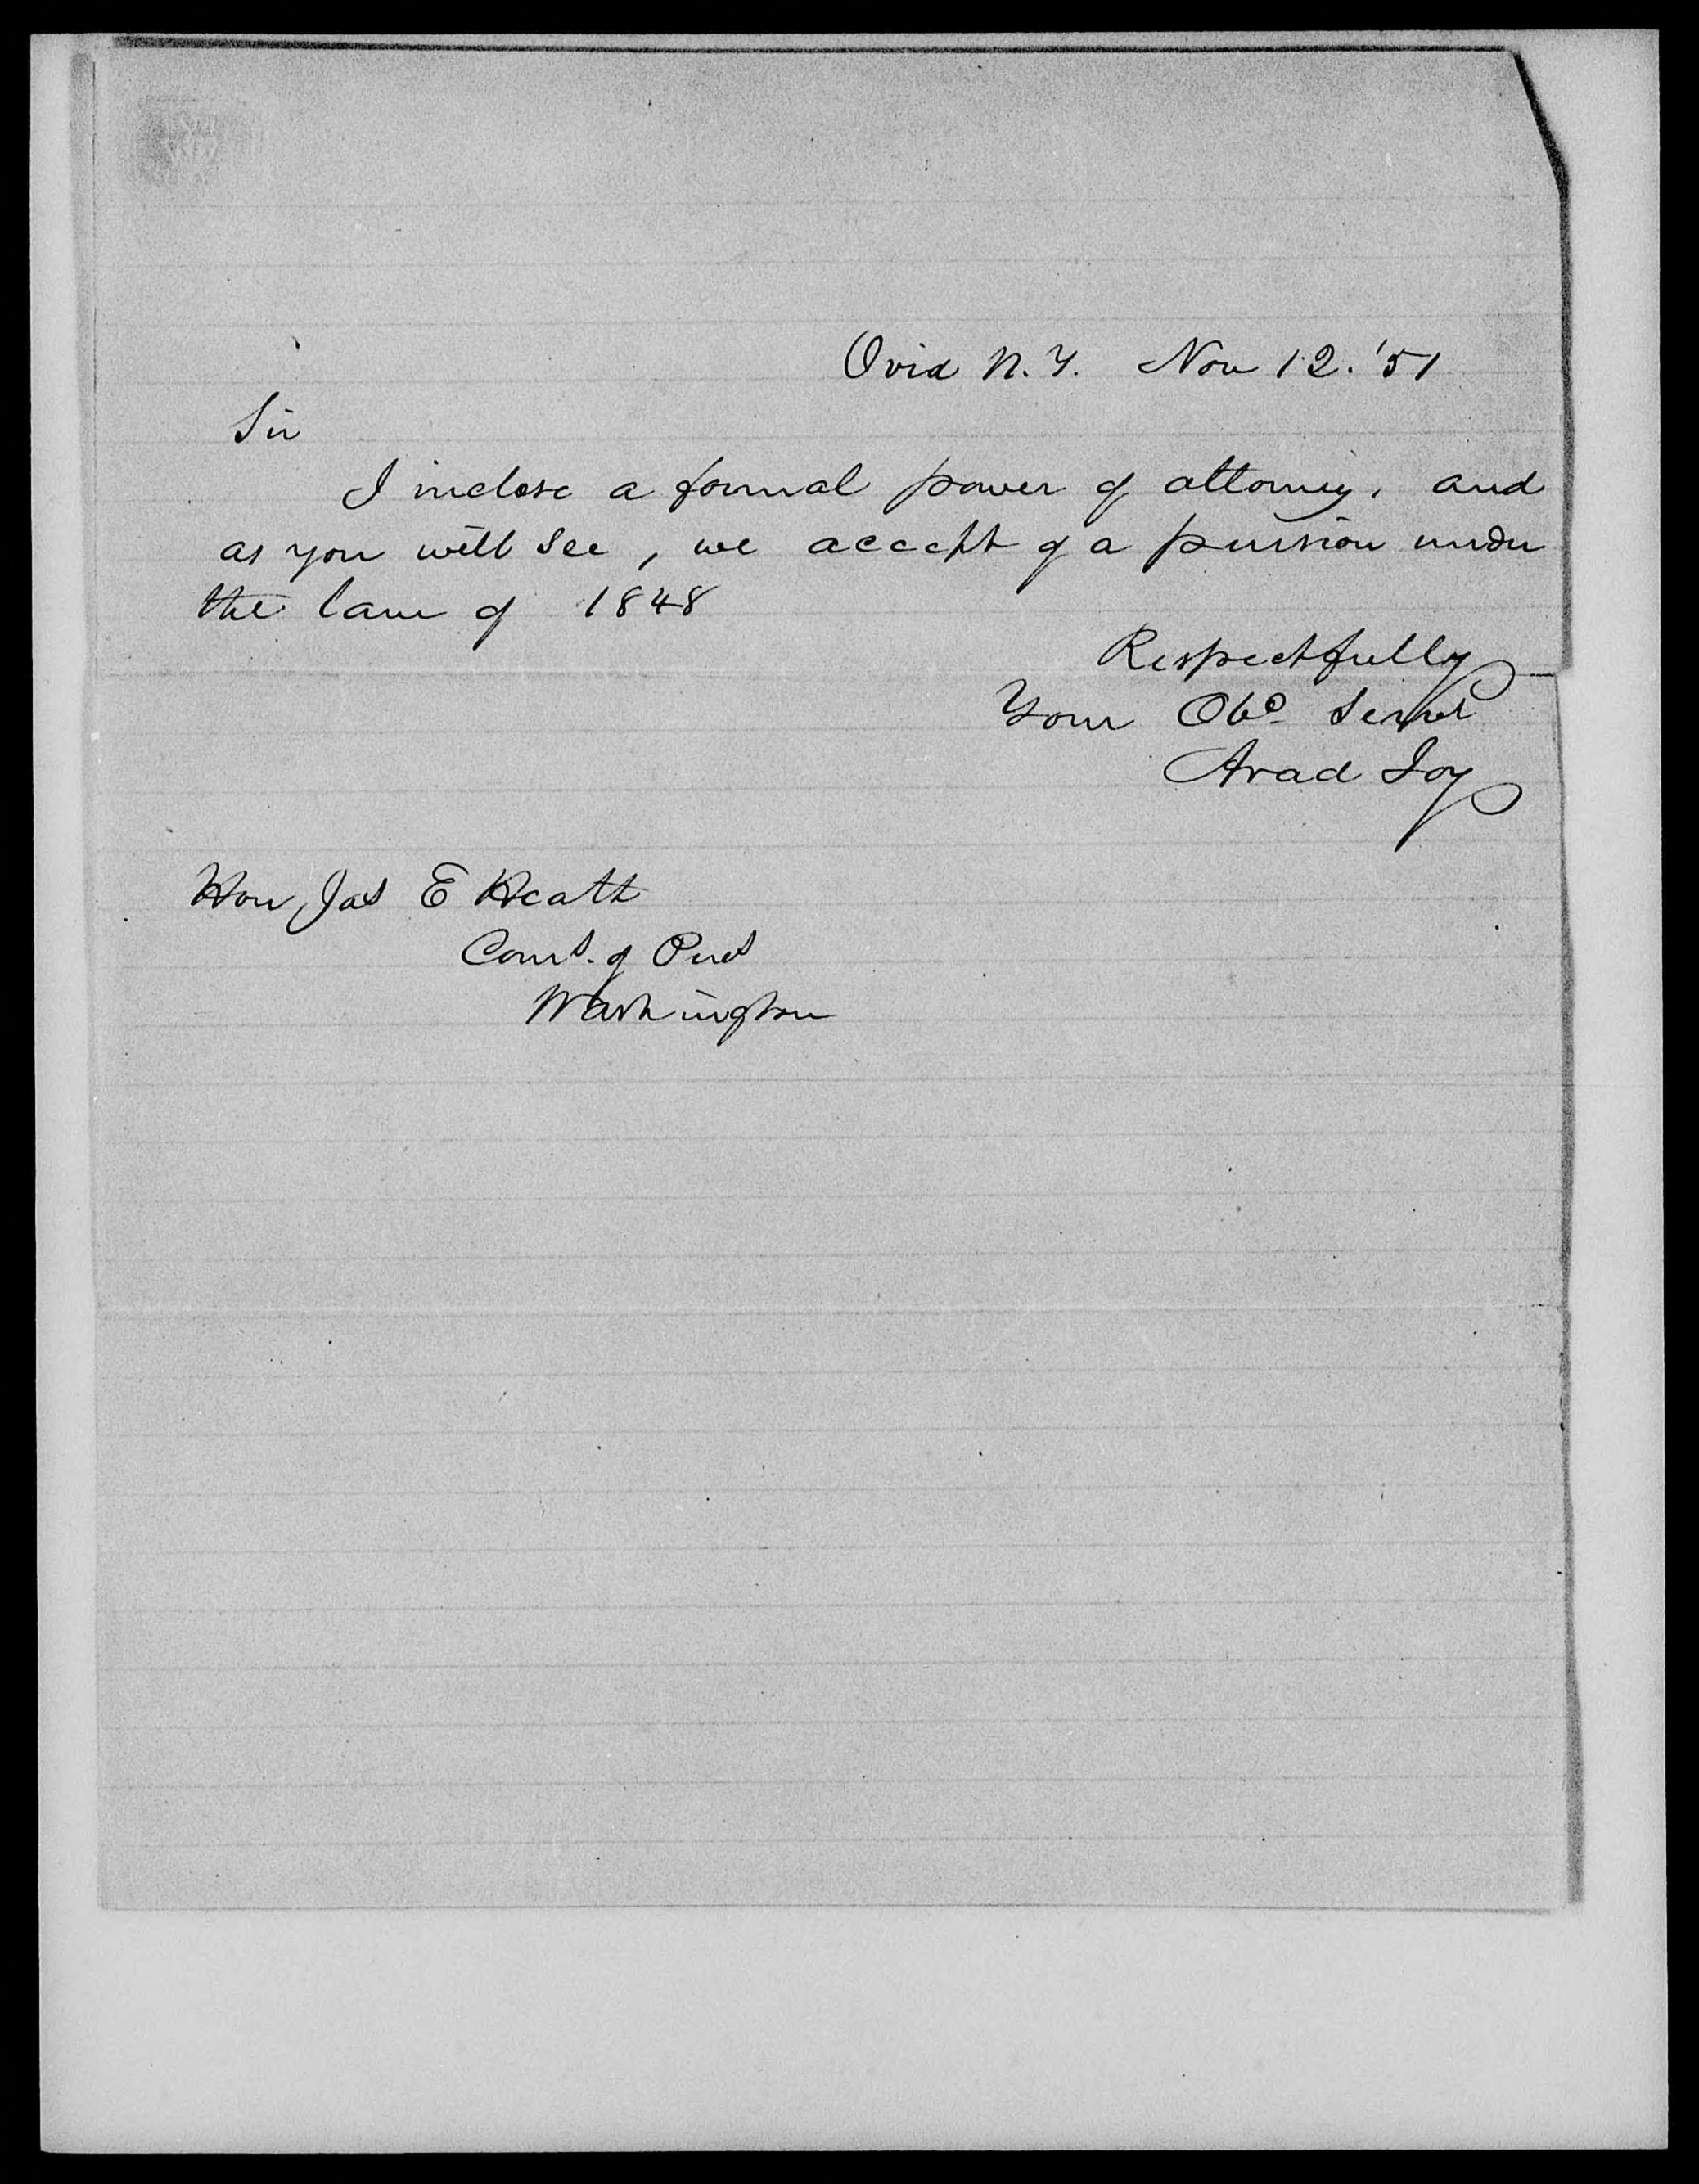Ovid, N.Y. Nov 12 '57

Sir
I inclose [sic] a formal power of attorney, and as you will see, we accept of a pension under the law of 1848.
Respectfully
Your Obd. Servt.
Arad Joy

Hon Jas E Heath
Comms. of Pens.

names: Jas E Heath; Arad Joy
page: 24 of 40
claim: widow's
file: W. 3,588, for John Parker, Pennsylvania